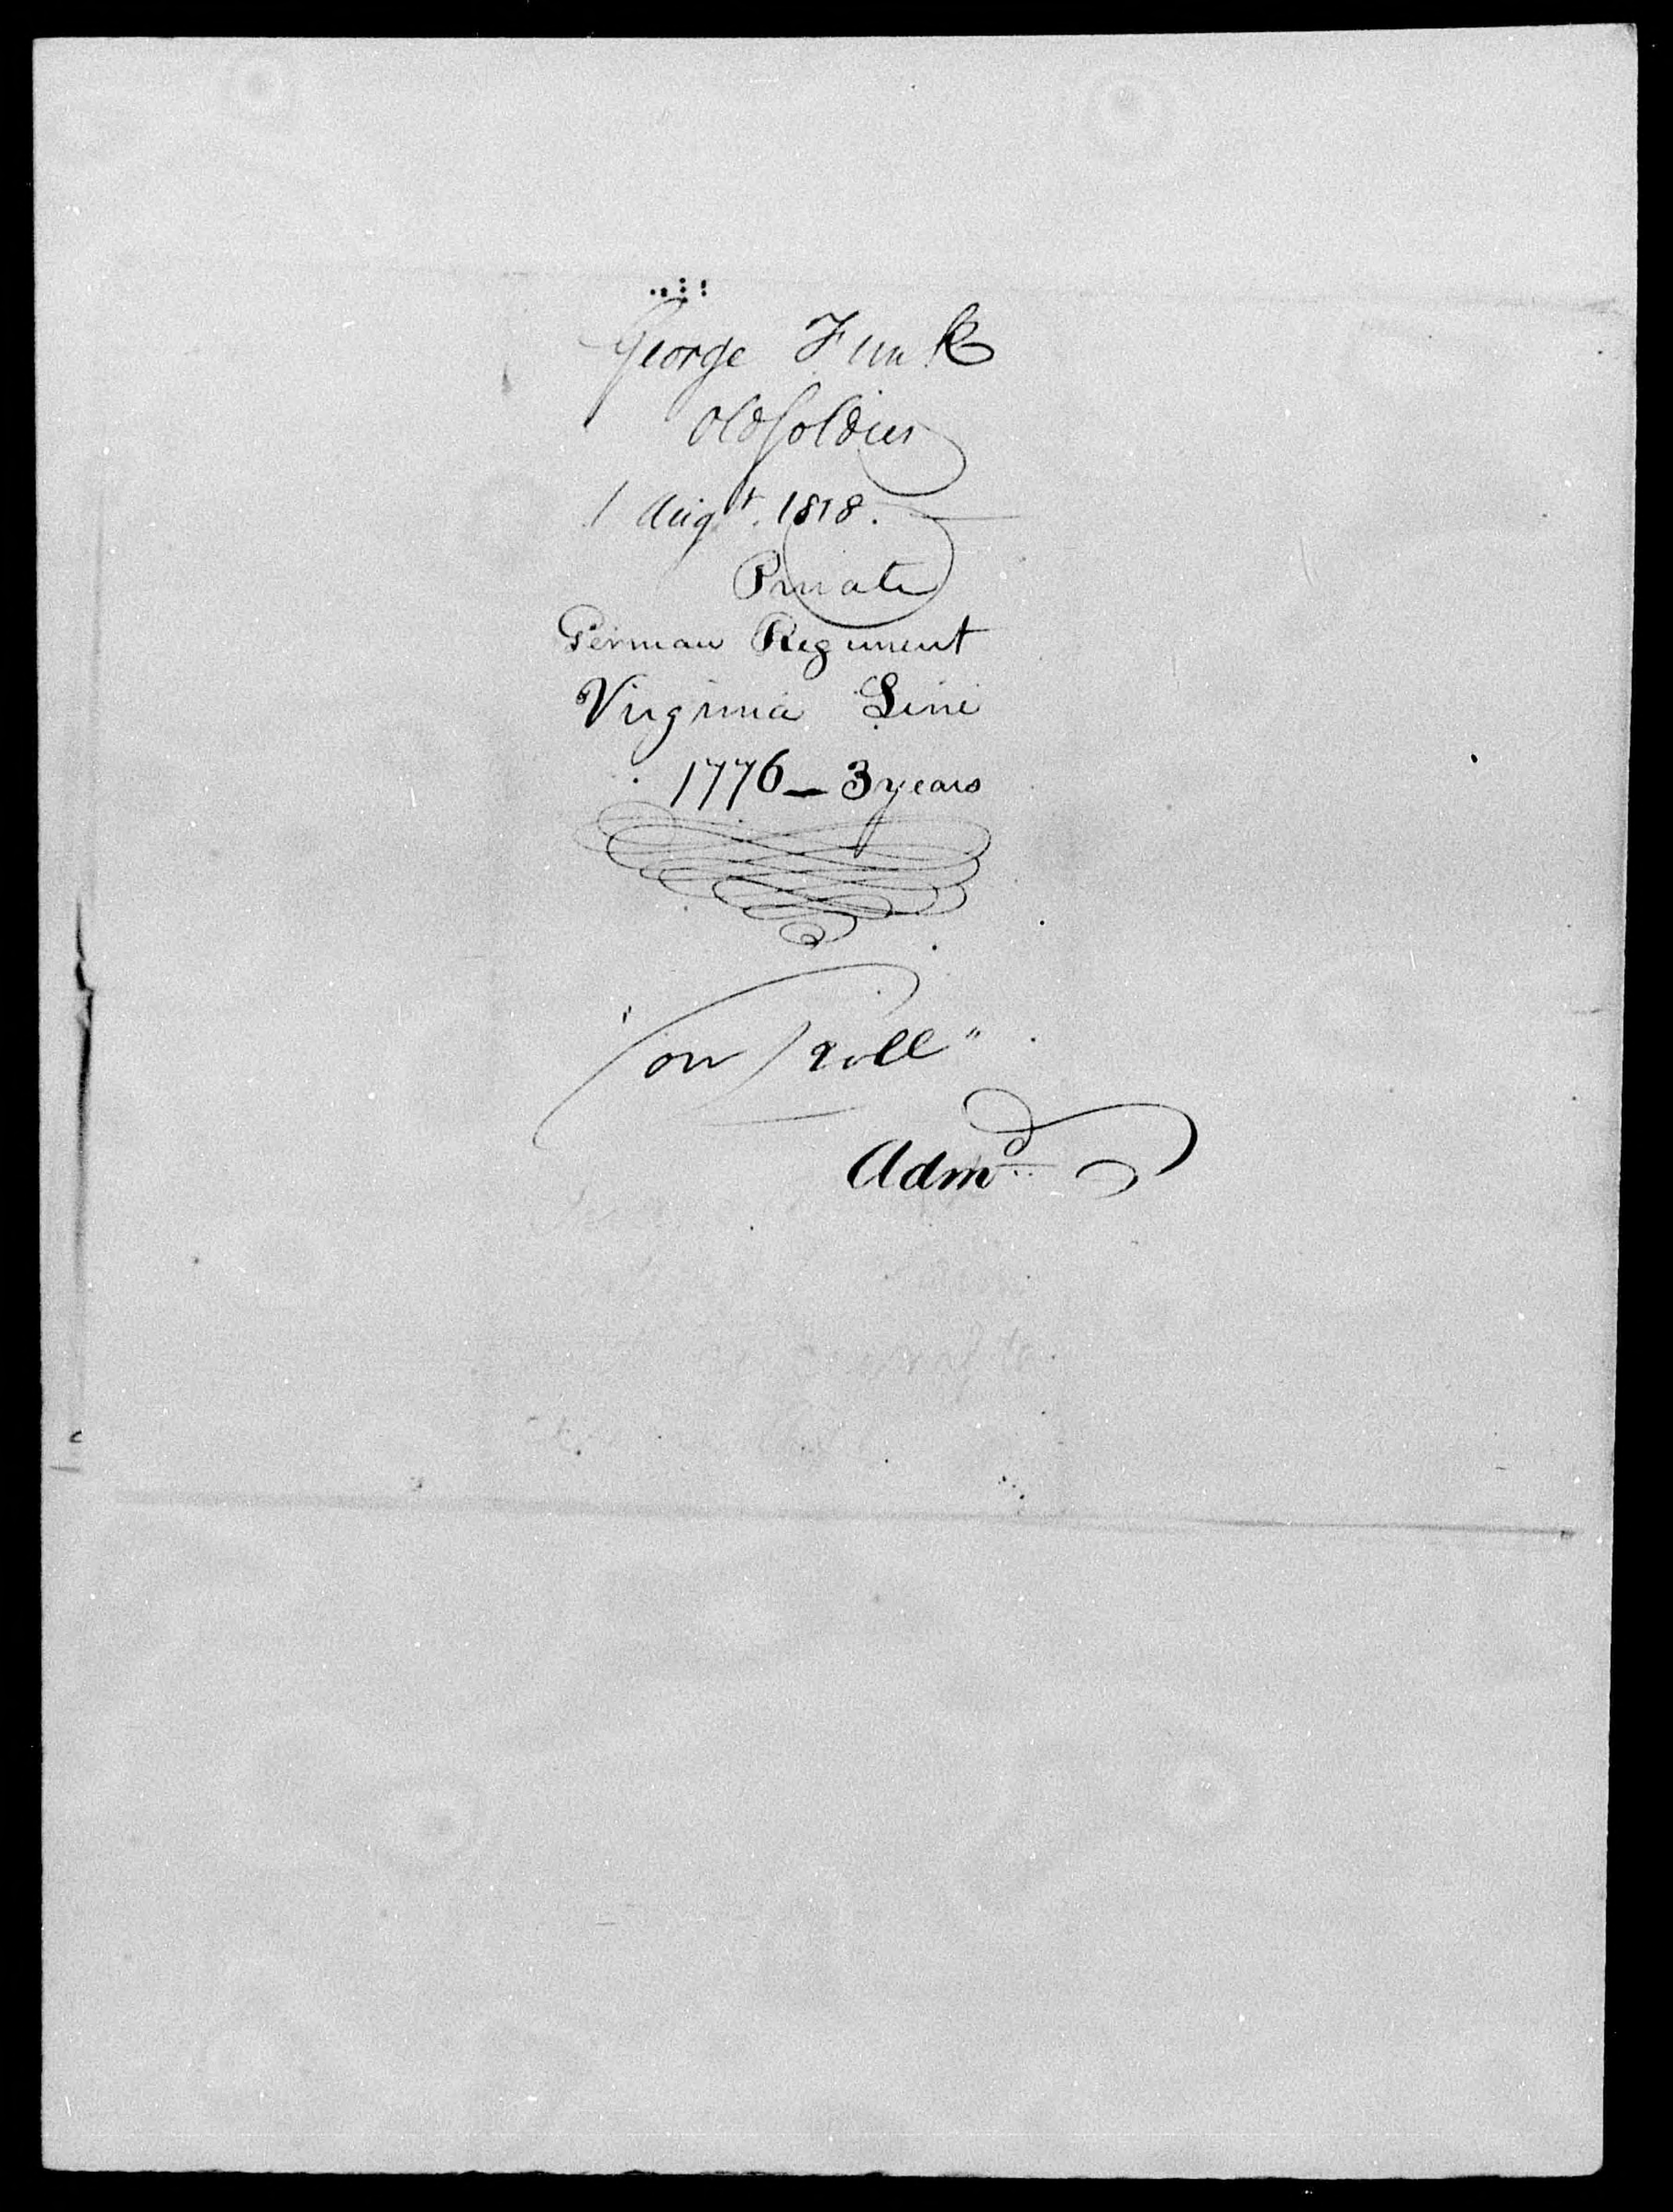George Funk
old soldier
1 August 1818
Private
German Regiment
Virginia Line
1776- 3 years
on roll
Adm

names: George Funk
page: 7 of 11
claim: survivor's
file: S. 41553, George Funk, Continental (German Regiment)